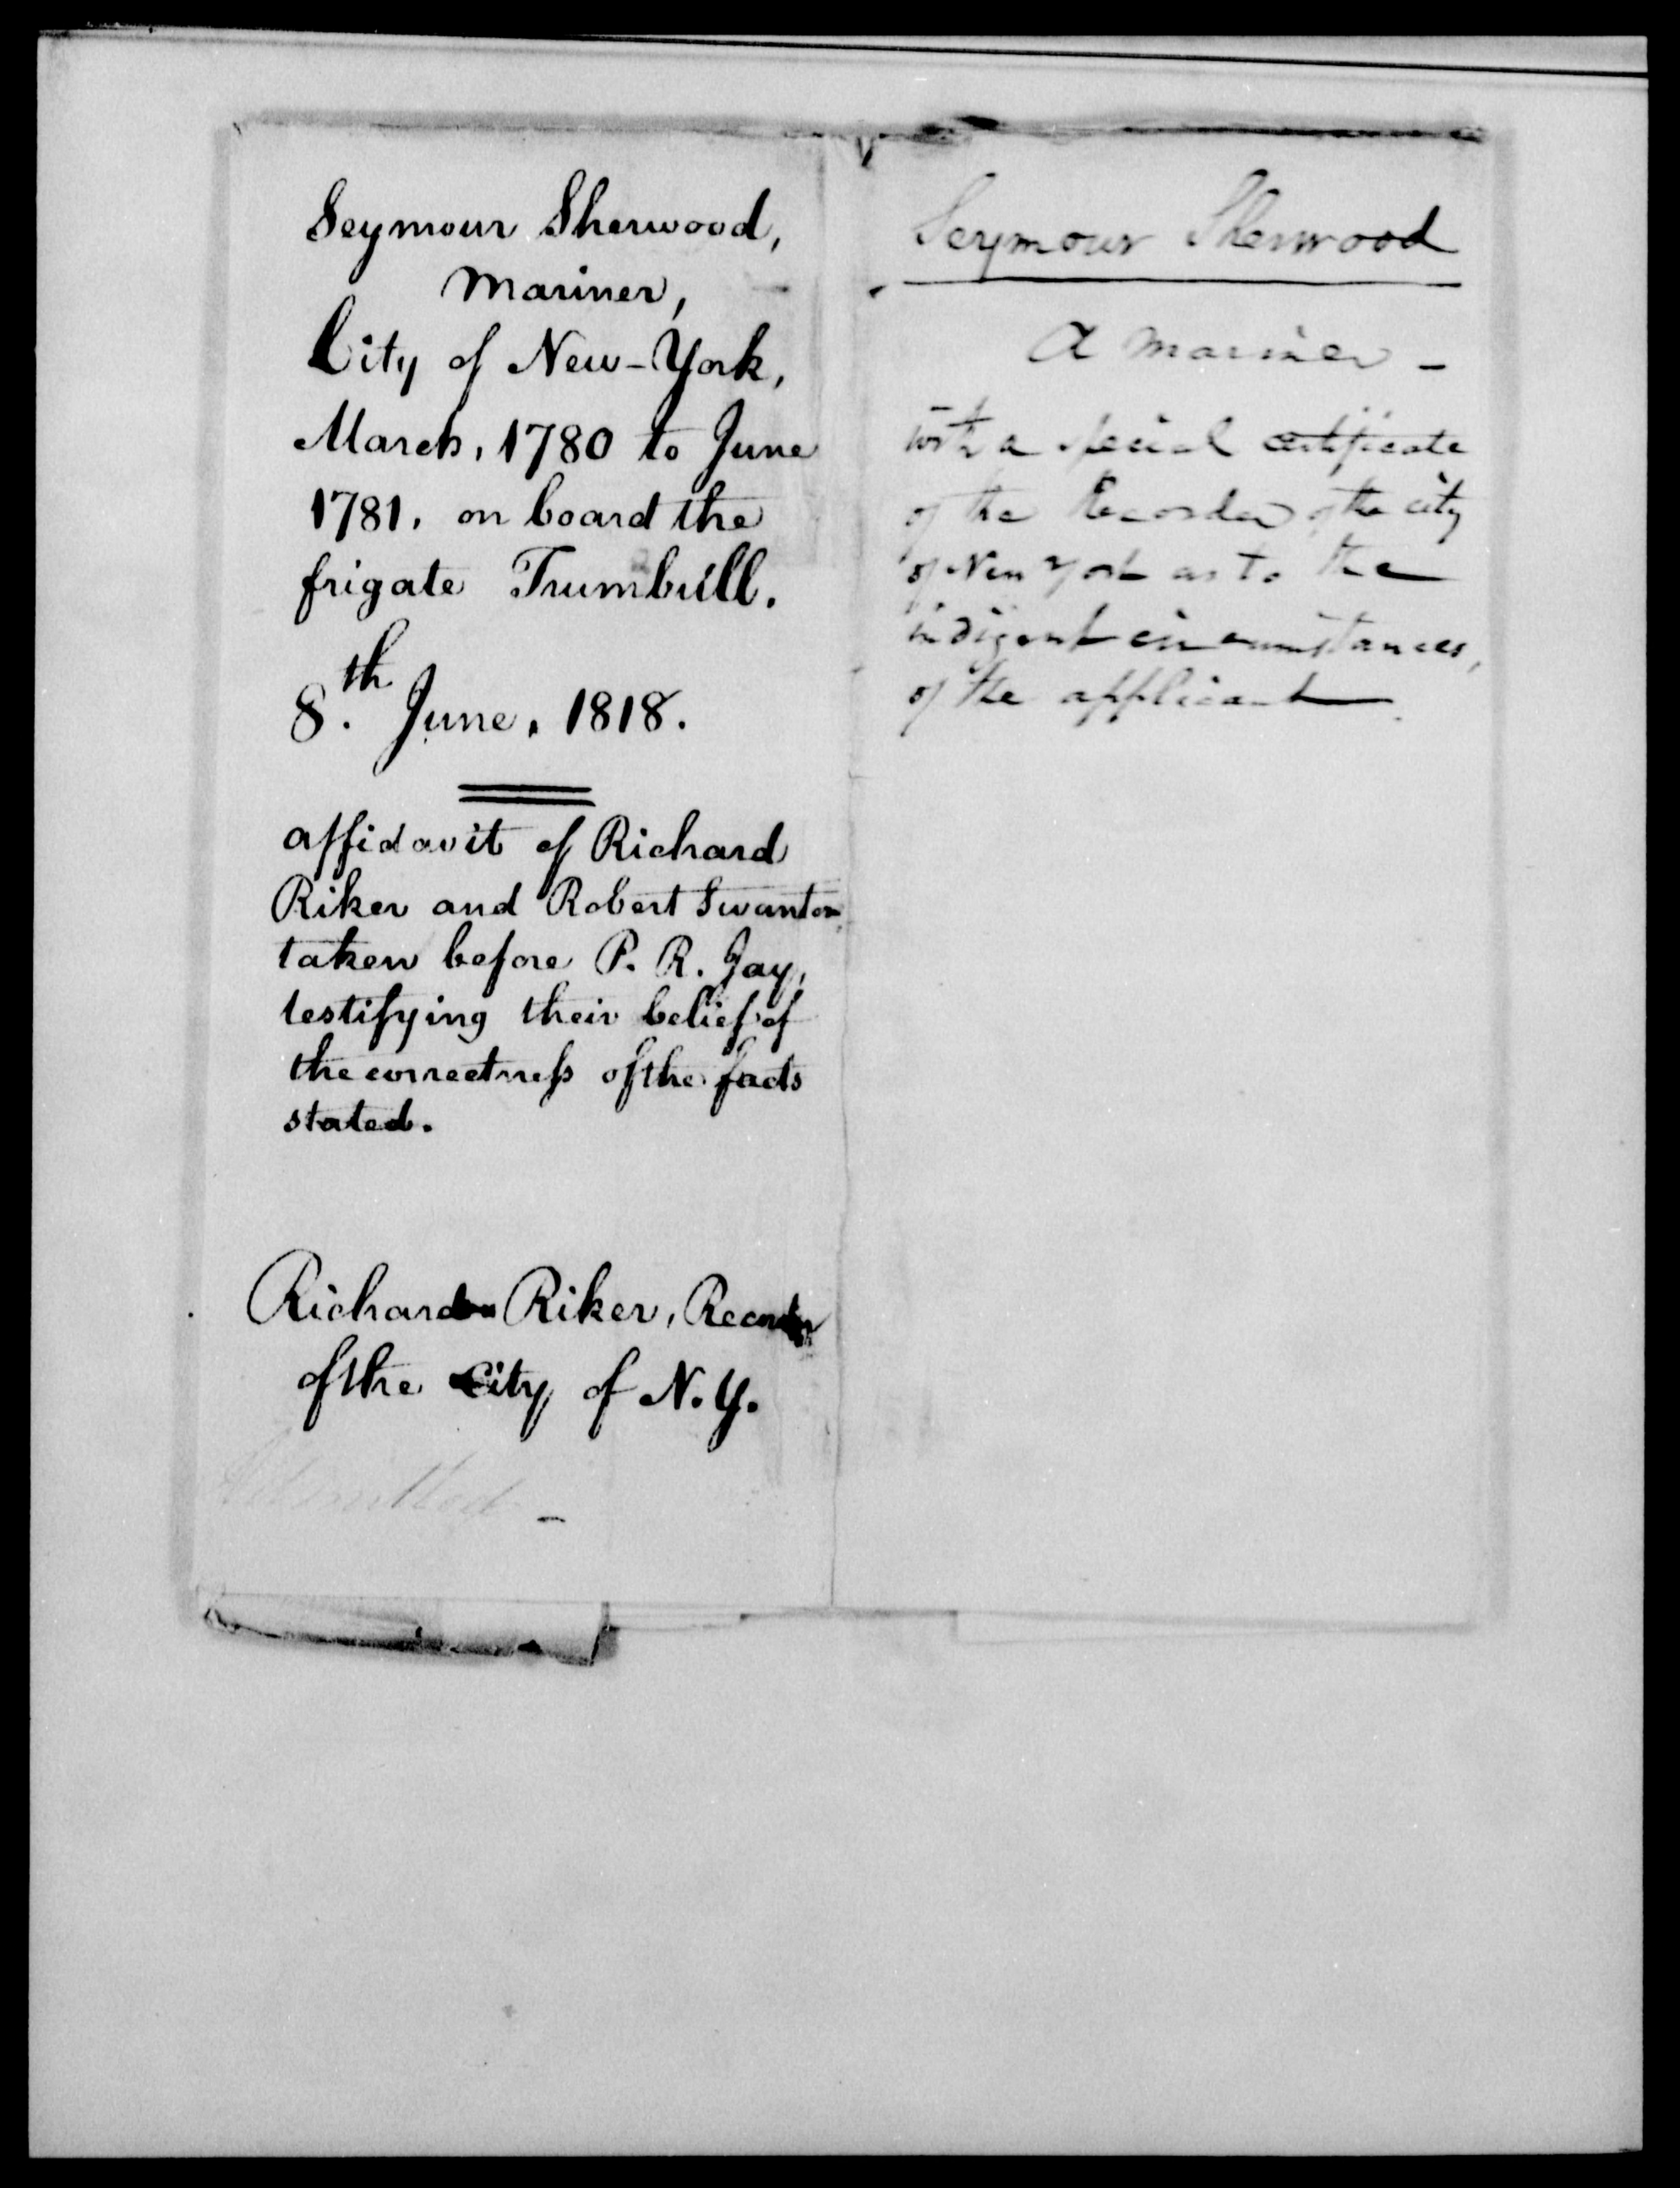Left side - 

Seymour Sherwood
Mariner

City of New York
March 1780 to June 1781, on board the
frigate Trumbull

8th June 1818

affidavit of Richard Riker and Robert Swanton
taken before P.R. Jay,
testifying their belief of 
the correctness of the facts
stated.


Richard Riker, Recorder
of the City of N.Y.


Right side - 

Seymour Sherwood

A Mariner
with a special certificate 
of the Recorder of the city
of New York as to the
indigent circumstances
of the applicant.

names: Richard Riker; P R Jay; Seymour Sherwood; Robert Swanton; Seymour Sherwood; Richard Riker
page: 8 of 30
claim: survivor's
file: S. 42289, for Seymore Sherwood, Connecticut